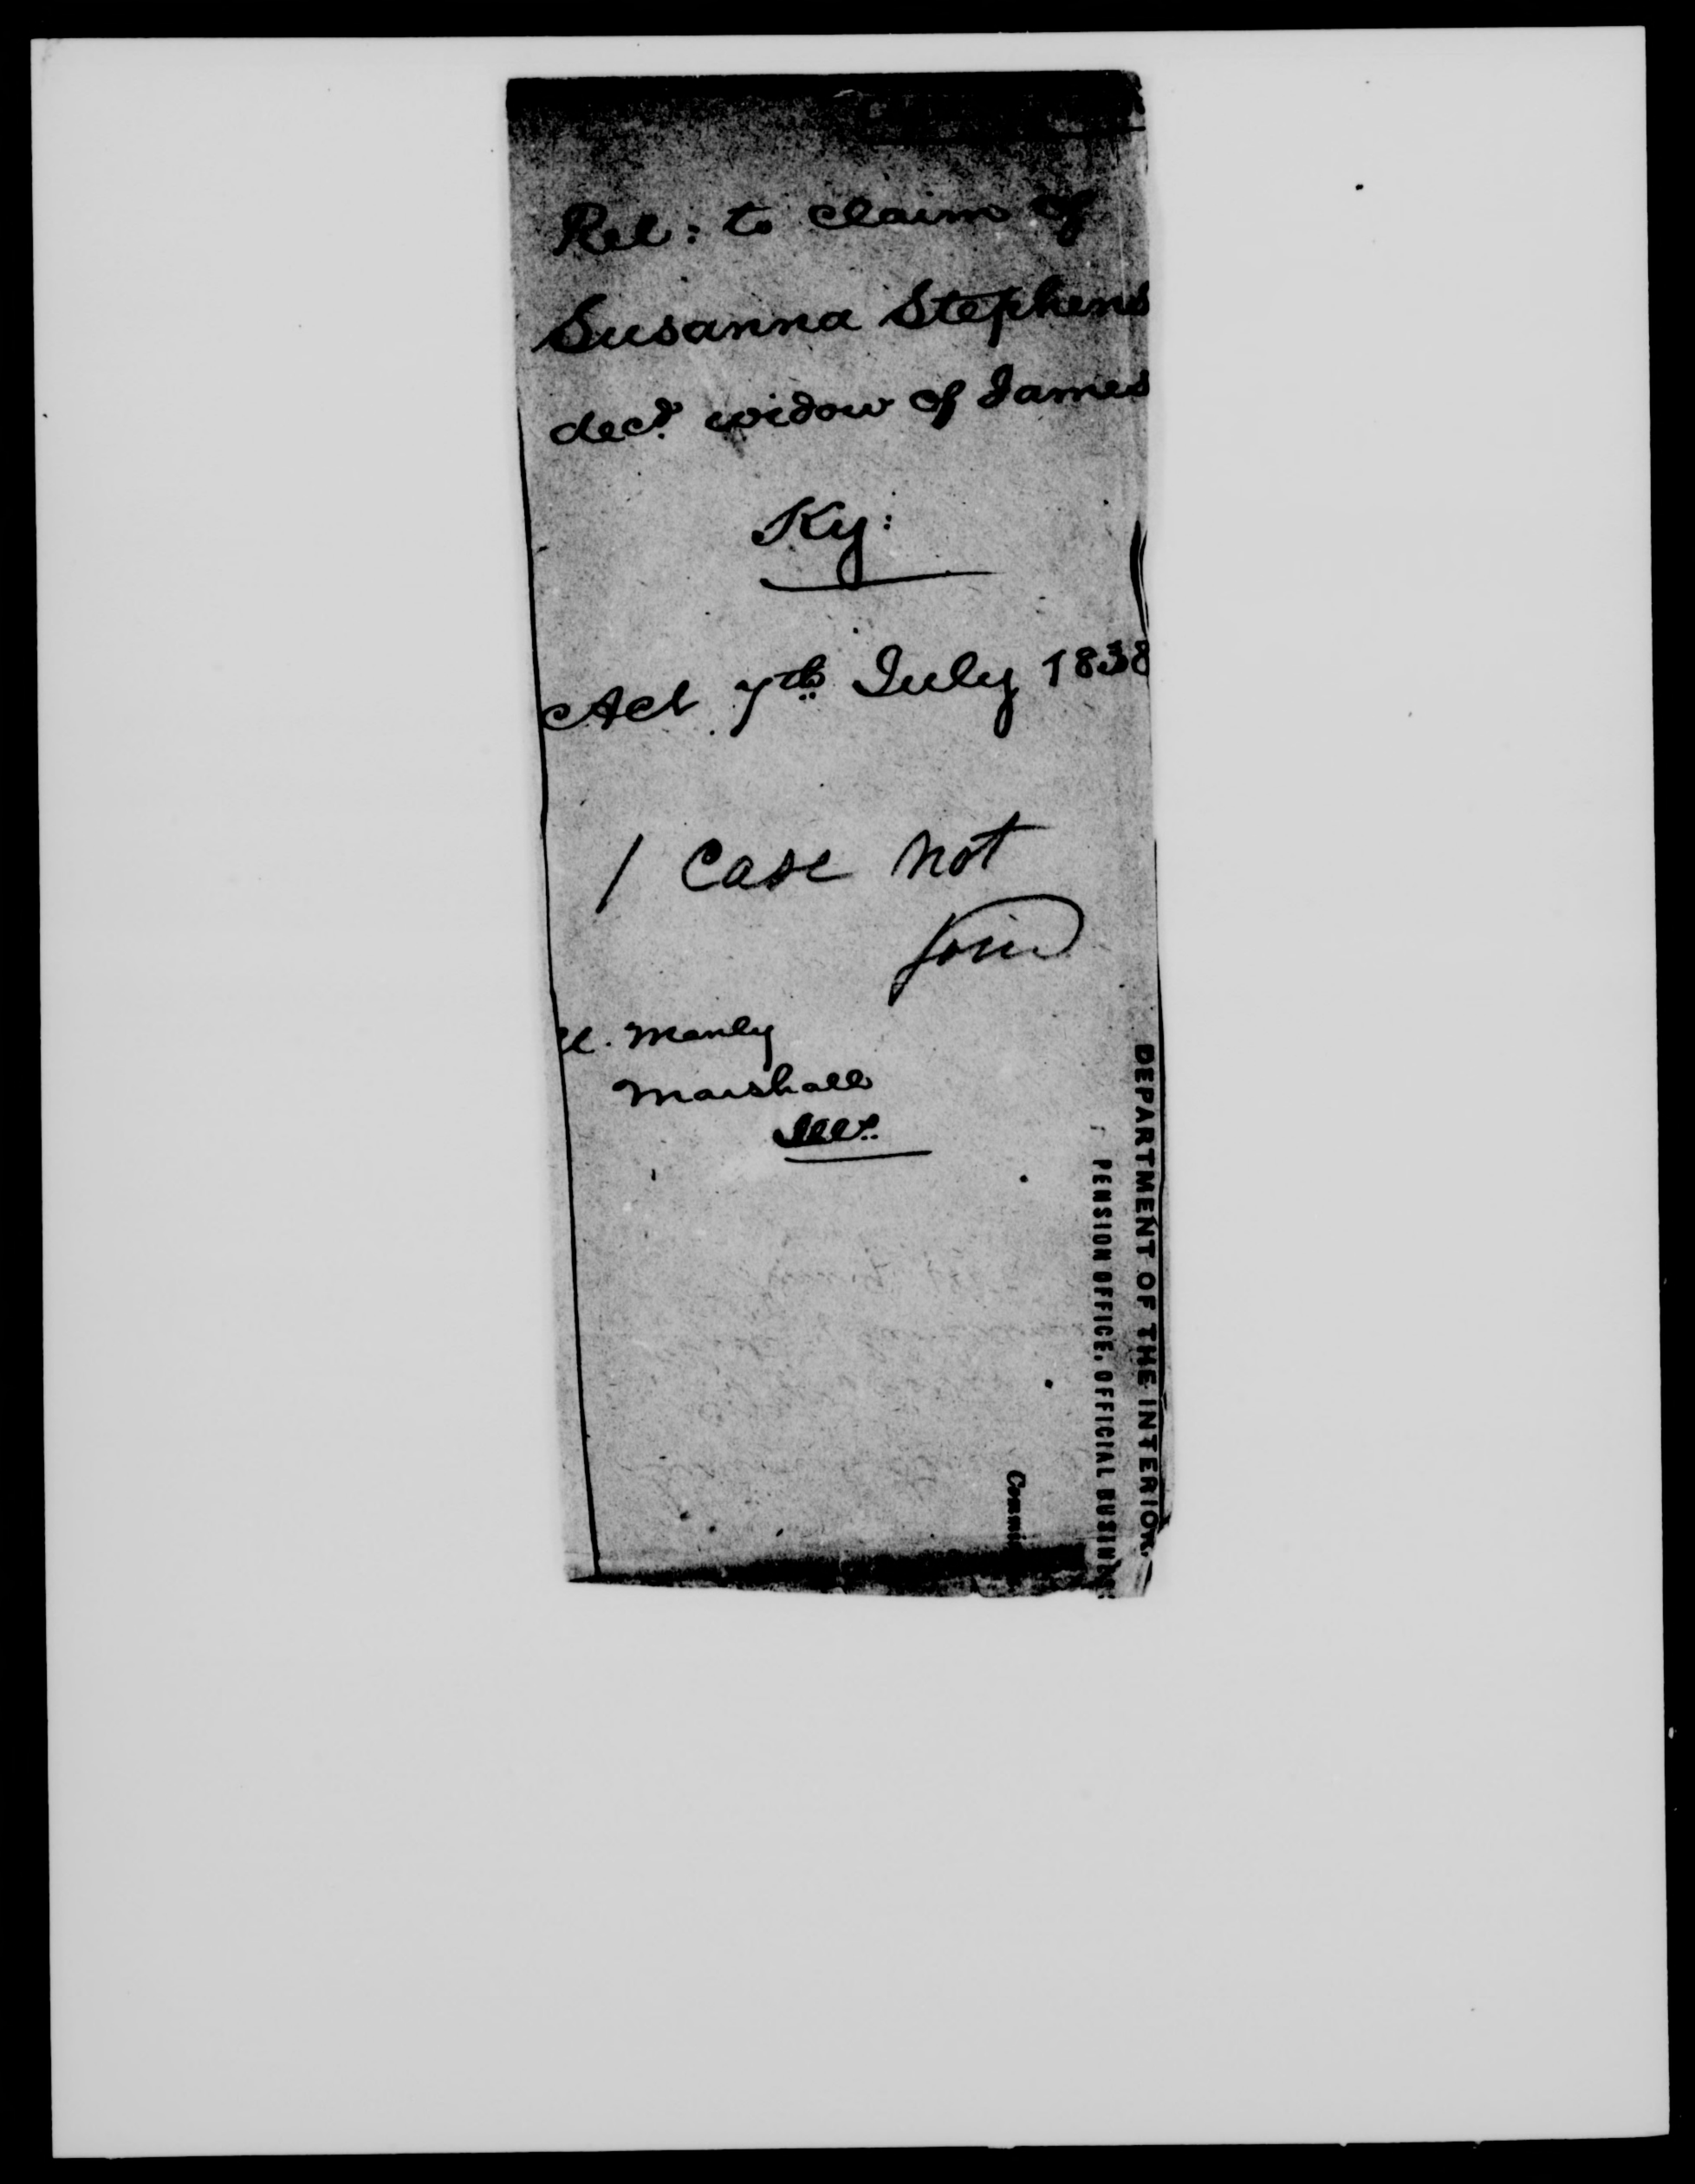Rel: to claims of
Susanna Stephens
decd. widow of James
Ky:
Act 7th July 1838
1 case not [illegible]
U. Manly
Marshall
[ILLEGIBLE]

DEPARTMENT OF THE INTERIOR
PENSION OFFICE. OFFICIAL BURSINESS
Commi...[illegible]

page: 52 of 99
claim: widow's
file: W 8766, for James Stevens, Virginia